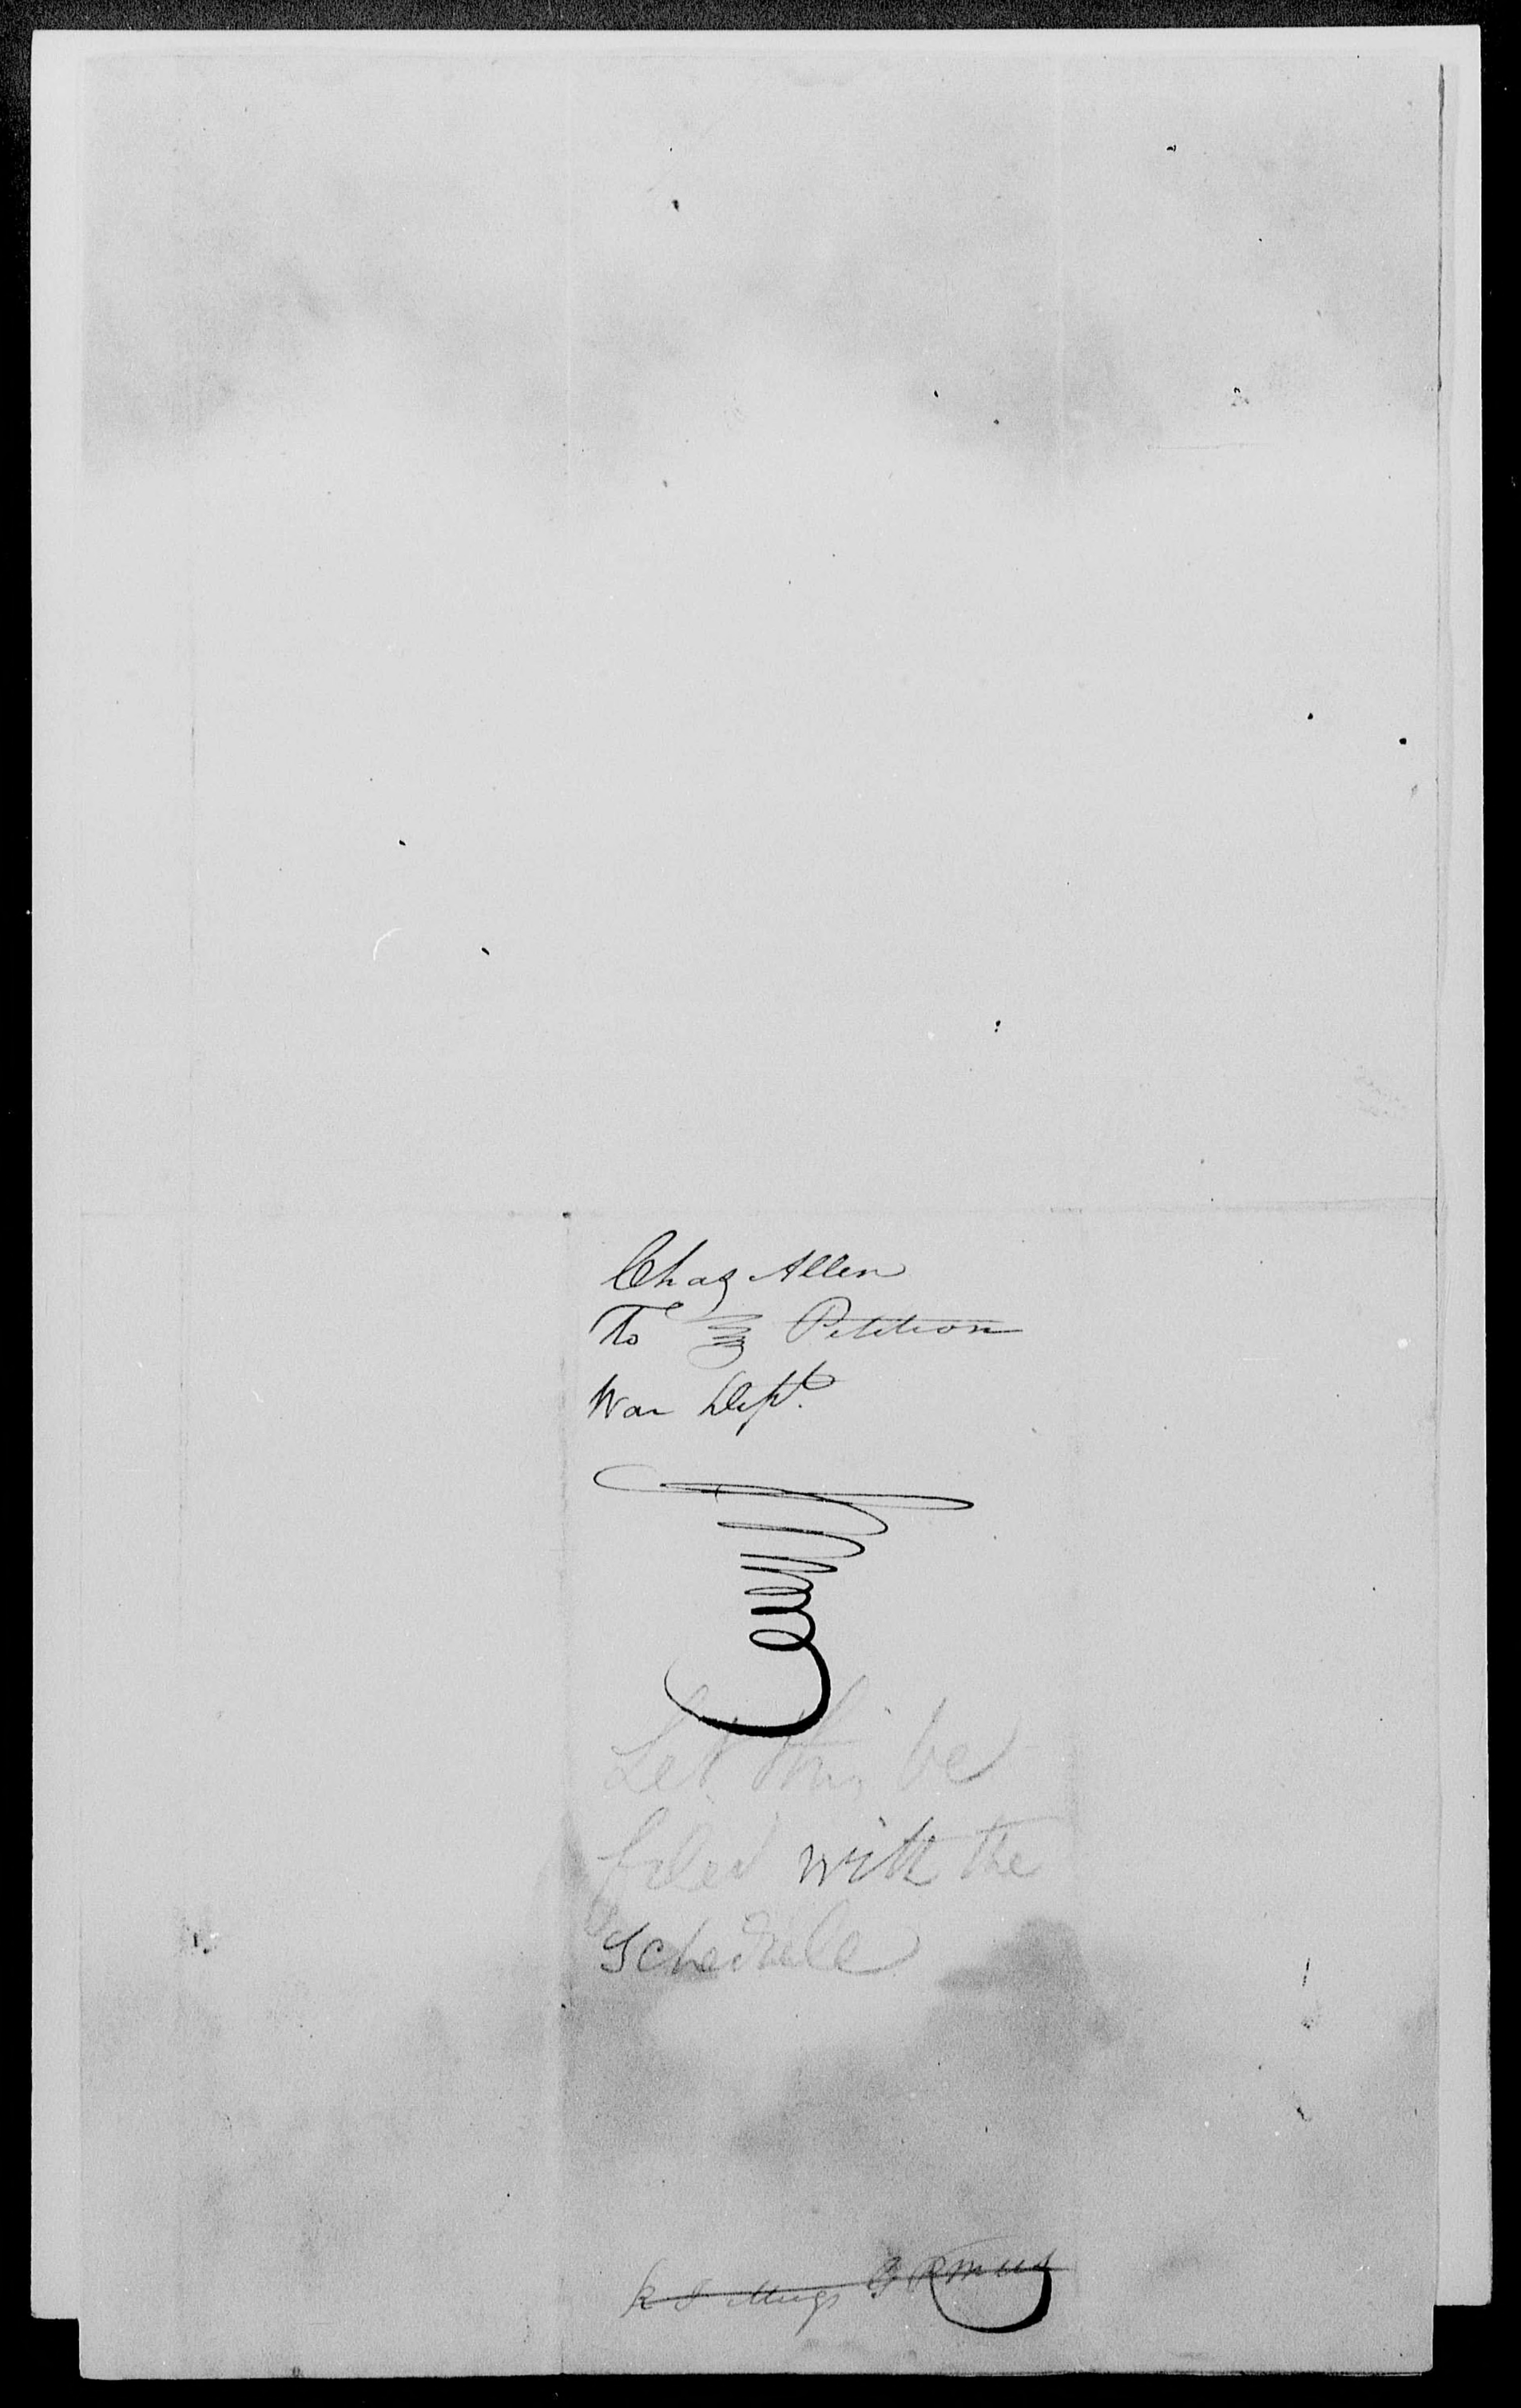Charles Allen
To Petition War Department

Let this be filed with the schedule.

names: Chas Allen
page: 15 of 22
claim: survivor's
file: S. 36399, Charles Allen, Va.